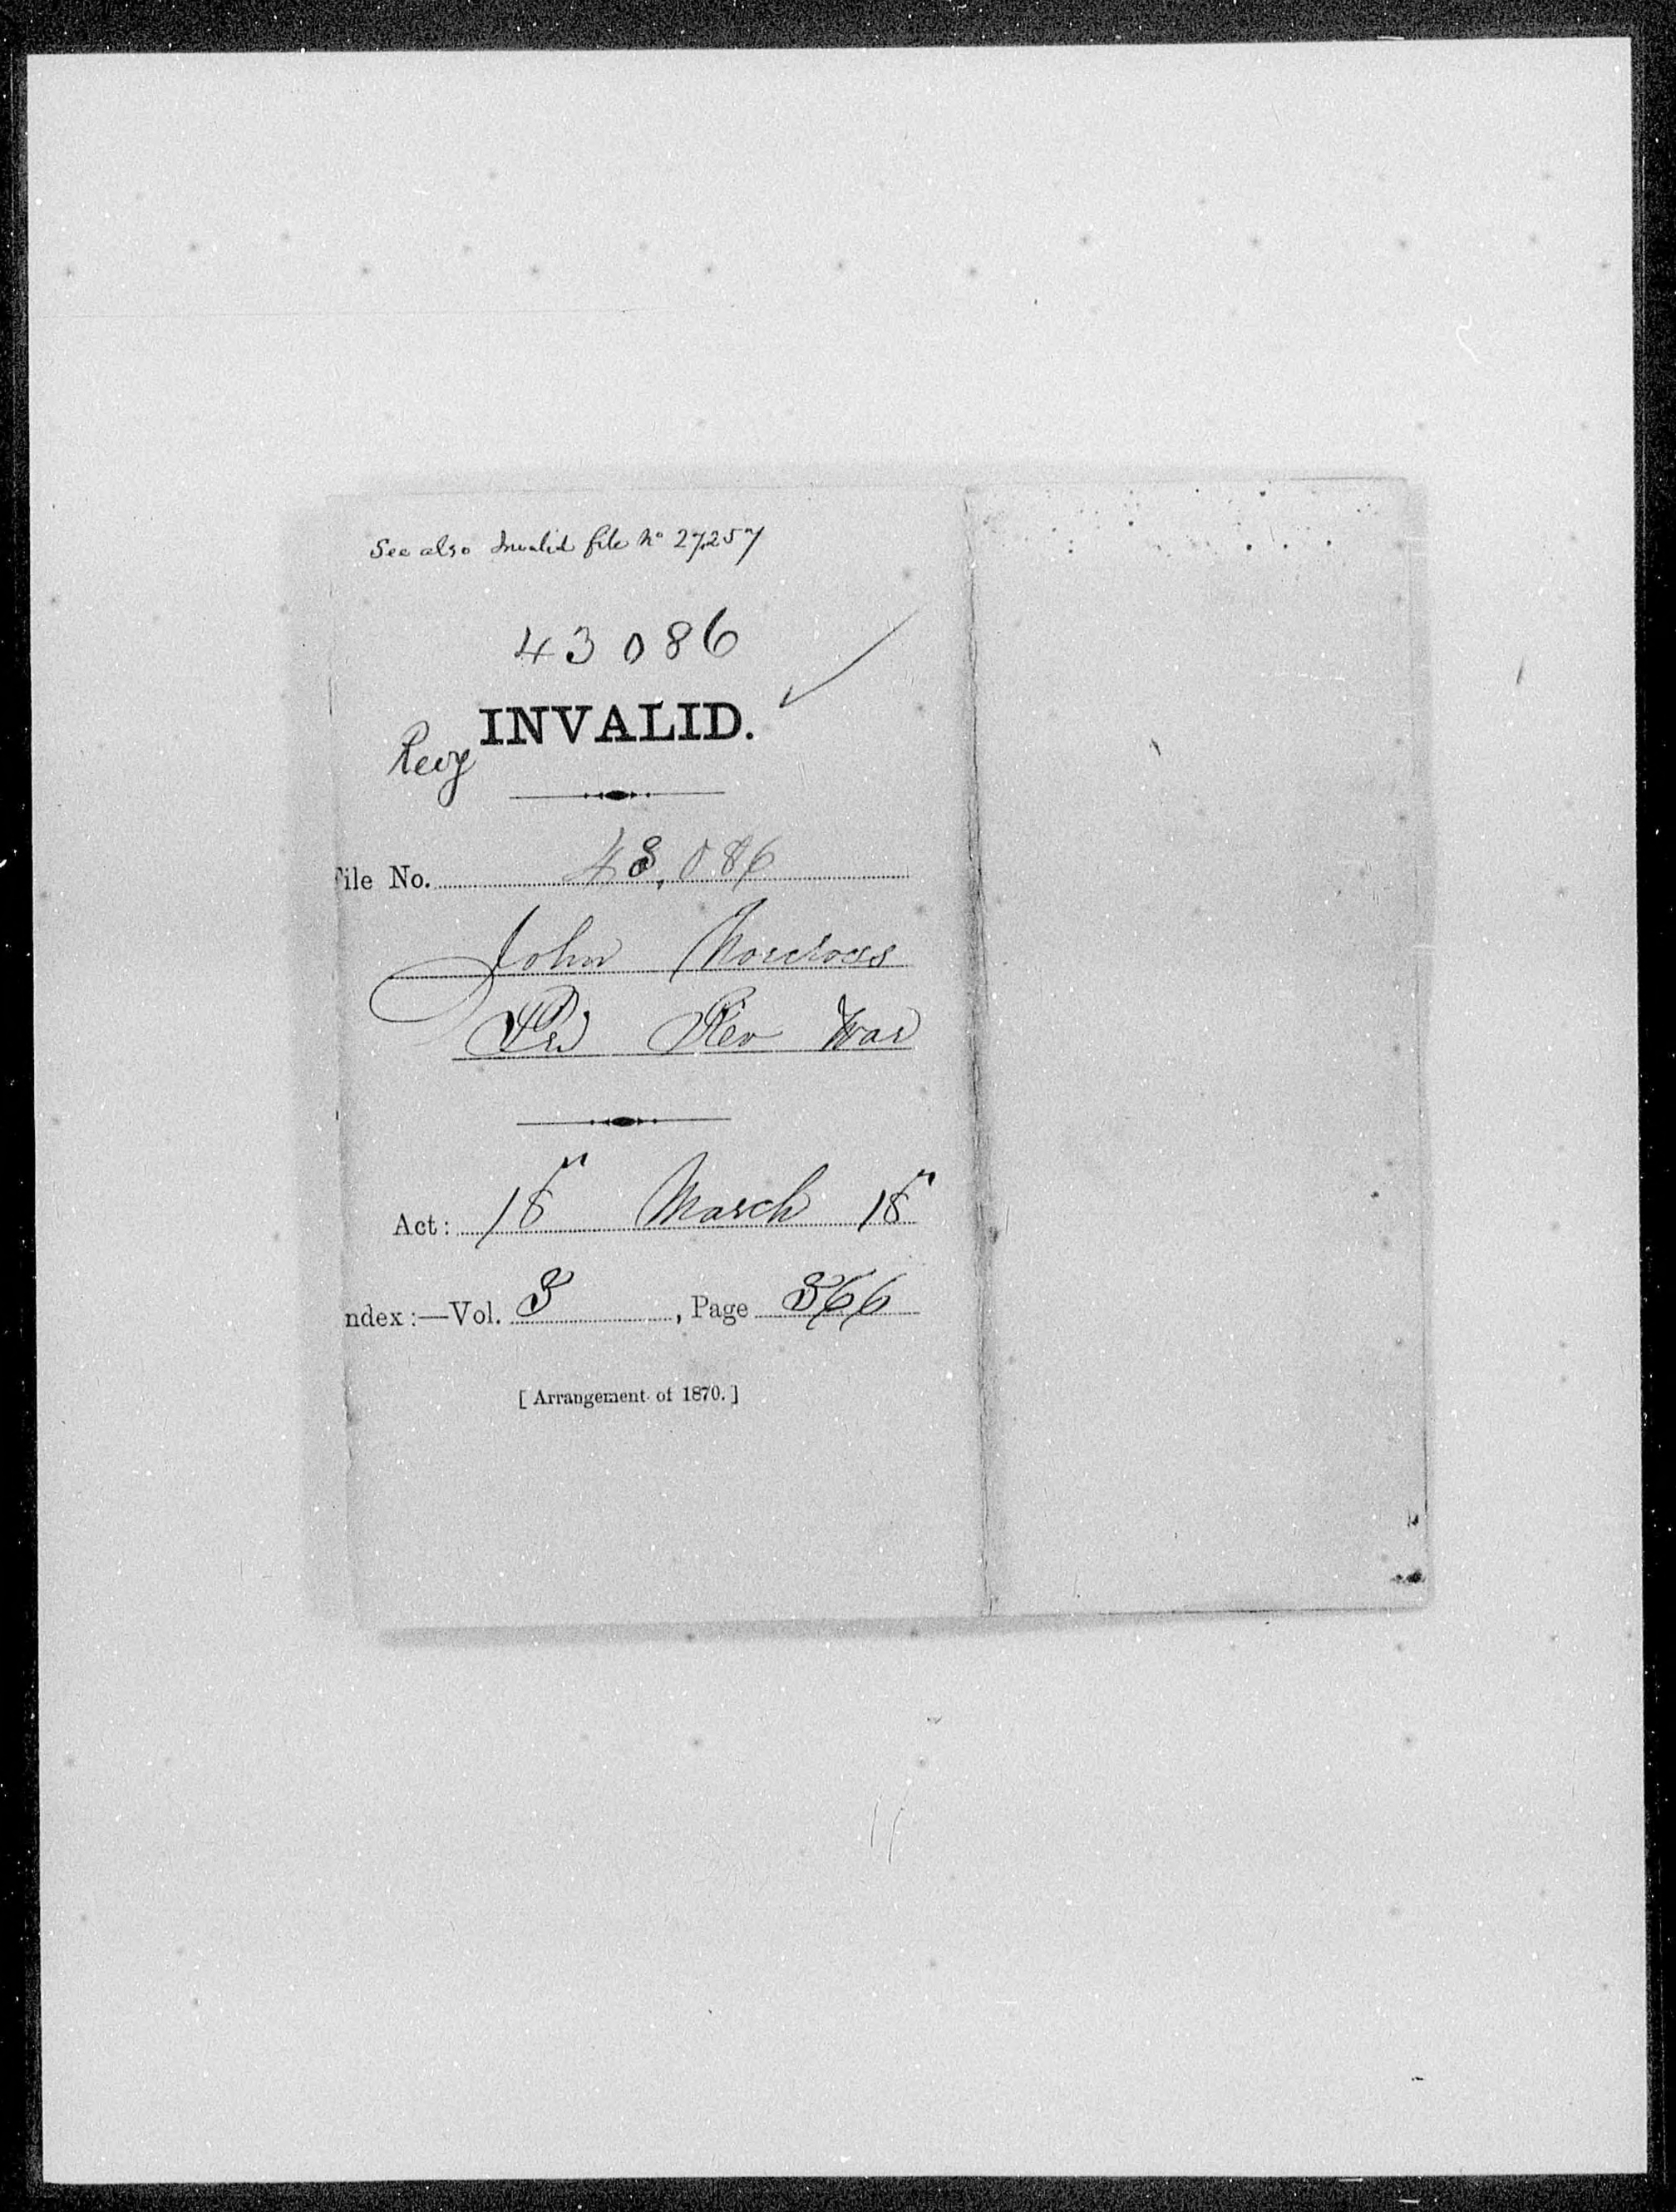See also Invalid file no. 27257

43086
INVALID
Recy.

File No. 43086
John Norcross
The Rev War

Act: 18 March 18
Index: Vol 3, Page 366

[Arrangement of 1870.]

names: John Norcross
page: 20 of 23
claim: survivor's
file: S. 27257, for John Norcross, Pennsylvania